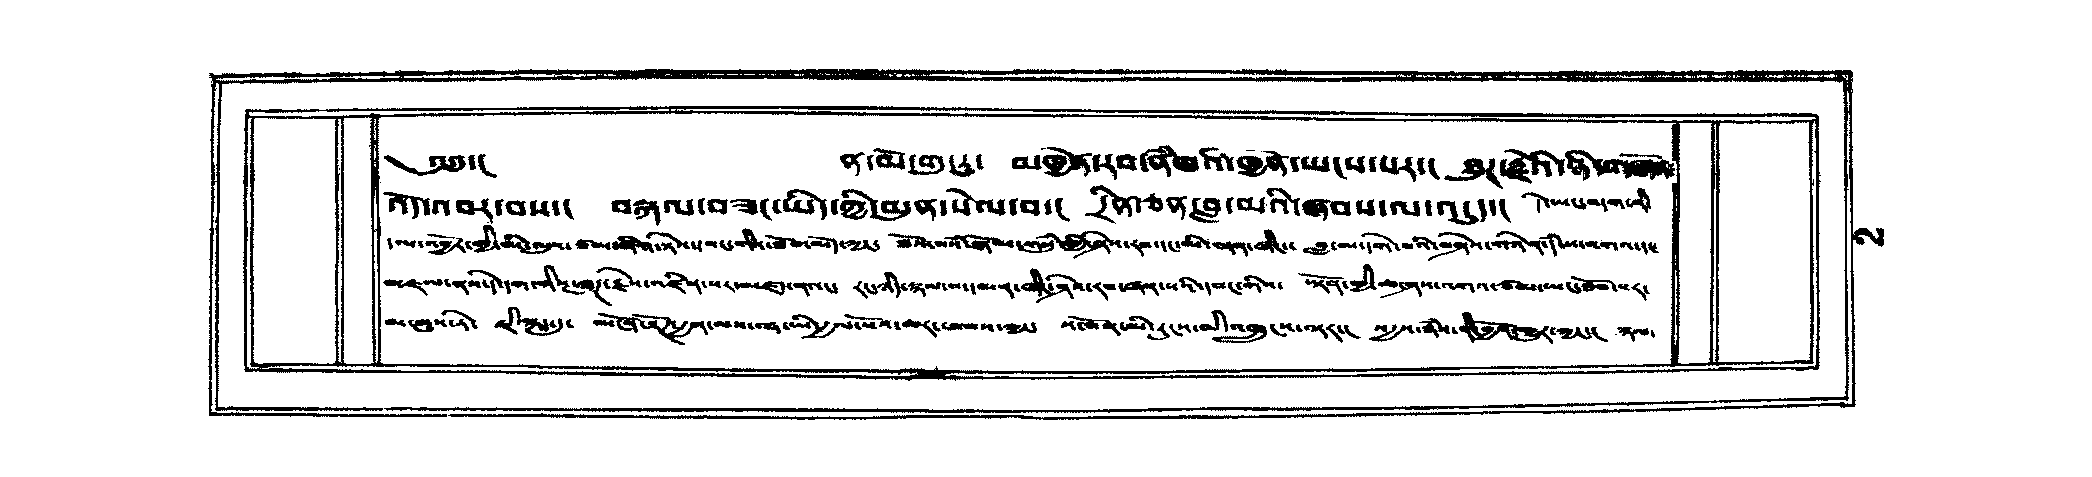༄༅། ན་མོ་གུ་རུ། མཁྱེན་རབ་ནམ་མཁའི་ཁྱོན་ཡངས་པར། །ཐུགས་རྗེའི་ཉི་གཞོན་
འོད་འབར་བས། །བསྐལ་བཟང་ཡིད་ཀྱི་མུན་སེལ་བ། །དྲིན་ཅན་བླ་མའི་ཞབས་ལ་འདུད། དེ་ཡང་བདག་ནི་
དལ་འབྱོར་གྱི་མི་ལུས་ཙམ་ཞིག་སྟེས་དབང་གིས་ཐོབ་མོད་ཀྱང་། ཐོས་བསམ་སྒོམ་གསུམ་གྱི་ཤེས་རབ་དང་མི་འབྲལ་ཞིང་། བླ་མ་དགེ་བའི་བཤེས་གཉེན་དམ་པ་འགའ་དང་། །
མཇལ་ནས་དེ་དག་གི་ཐུགས་རྗེས་འཛིན་པར་མཛད་ནའང་། རང་ཉིད་བསྐལ་པ་དམན་ཞིང་ཤེས་རབ་ཞན་པའི་དབང་གིས་ཡོན་ཏན་གྱི་ཆ་ཤས་འགའ་ཙམ་ཡང་ཐོབ་པར་
མ་ནུས་ཏེ། ཇི་སྐད་དུ། མངོན་རྟོགས་རྒྱན་ལས། ལྷ་ཡི་རྒྱལ་པོས་ཆར་ཕབས་ཀྱང་། །ས་བོན་མི་རུང་མི་འཁྲུངས་ལྟར། །སངས་རྒྱས་རྣམས་ནི་བྱོན་གྱུར་ཀྱང་། །སྐལ་